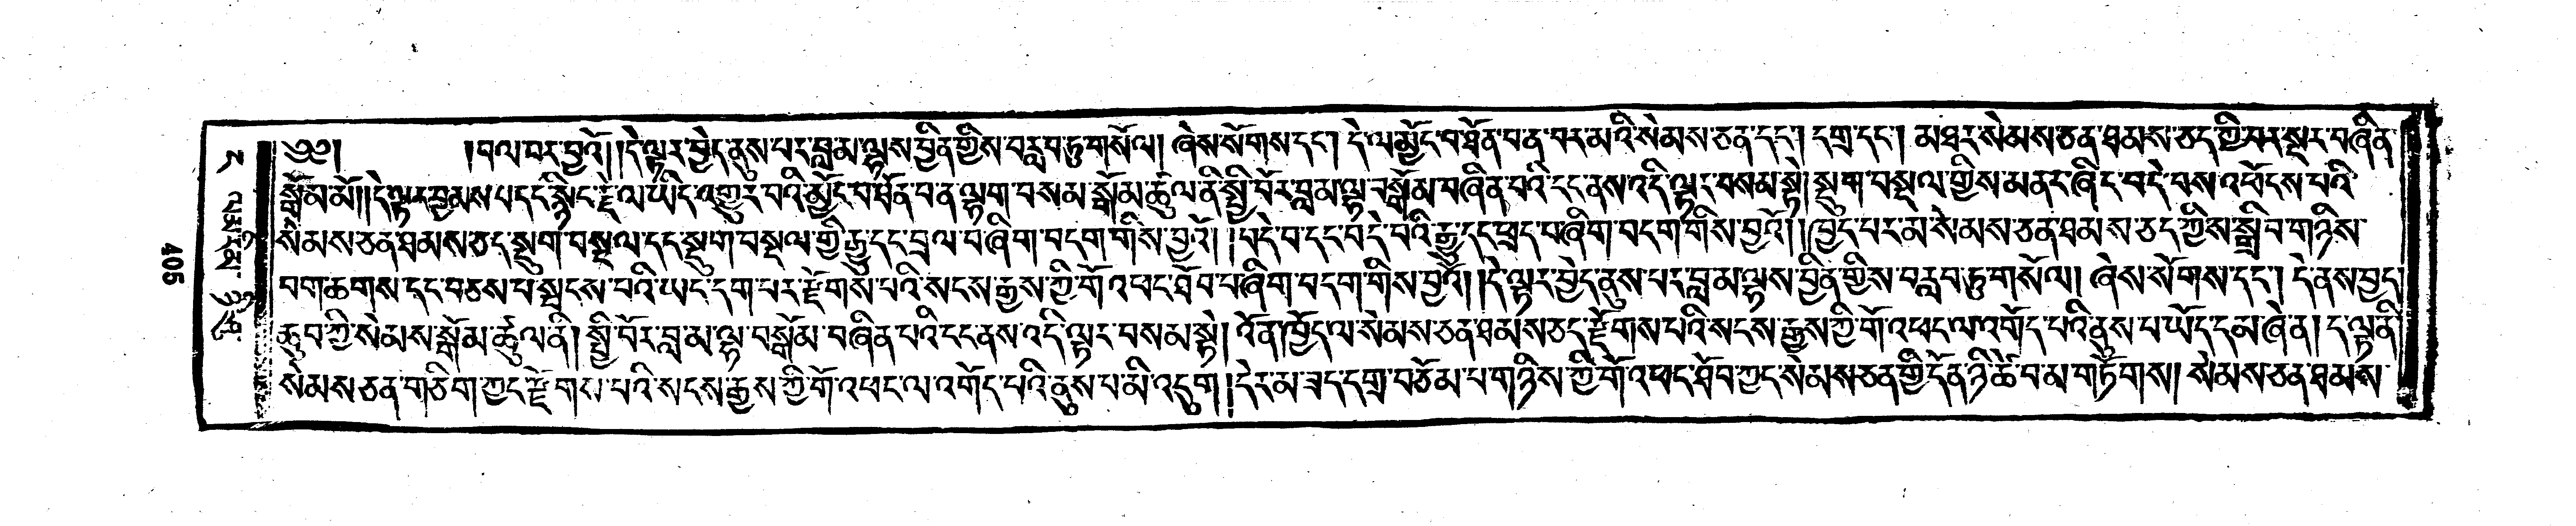༄༅། །བྲལ་བར་བྱའོ། །དེ་ལྟར་བྱེད་ནུས་པར་བླ་མ་ལྷས་བྱིན་གྱིས་བརླབ་ཏུ་གསོལ། ཞེས་སོགས་དང་། དེ་ལ་མྱོང་བ་ཐོན་པ་ན་བར་མའི་སེམས་ཅན་དང་། དགྲ་དང་། མཐར་སེམས་ཅན་ཐམས་ཅད་ཀྱི་བར་སྔར་བཞིན་
སྒོམ་མོ། །དེ་ལྟར་བྱམས་པ་དང་སྙིང་རྗེ་ལ་ཡིད་འགྱུར་བའི་མྱོང་བ་ཐོན་པ་ན་ལྷག་བསམ་སྒོམ་ཚུལ་ནི་སྤྱི་བོར་བླ་མ་ལྷ་བསྒོམ་བཞིན་པའི་ངང་ནས་འདི་ལྟར་བསམ་སྟེ། སྡུག་བསྔལ་གྱིས་མནར་ཞིང་བདེ་བས་འཕོངས་པའི་
སེམས་ཅན་ཐམས་ཅད་སྡུག་བསྔལ་དང་སྡུག་བསྔལ་གྱི་རྒྱུ་དང་བྲལ་བ་ཞིག་བདག་གིས་བྱའོ། །བདེ་བ་དང་བདེ་བའི་རྒྱུ་དང་ཕྲད་པ་ཞིག་བདག་གིས་བྱའོ། །ཁྱད་པར་མ་སེམས་ཅན་ཐམས་ཅད་ཀྱིས་སྒྲིབ་གཉིས་
བག་ཆགས་དང་བཅས་པ་སྤངས་པའི་ཡང་དག་པར་རྫོགས་པའི་སངས་རྒྱས་ཀྱི་གོ་འཕང་ཐོབ་པ་ཞིག་བདག་གིས་བྱའོ། །དེ་ལྟར་བྱེད་ནུས་པར་བླ་མ་ལྷས་བྱིན་གྱིས་བརླབ་ཏུ་གསོལ། ཞེས་སོགས་དང་། དེ་ནས་བྱང་
ཆུབ་ཀྱི་སེམས་སྒོམ་ཚུལ་ནི། སྤྱི་བོར་བླ་མ་ལྷ་བསྒོམ་བཞིན་པའི་ངང་ནས་འདི་ལྟར་བསམ་སྟེ། འོ་ན་ཁྱོད་ལ་སེམས་ཅན་ཐམས་ཅད་རྫོགས་པའི་སངས་རྒྱས་ཀྱི་གོ་འཕང་ལ་འགོད་པའི་ནུས་པ་ཡོད་དམ་ཞེ་ན། ད་ལྟ་ནི་
སེམས་ཅན་གཅིག་ཀྱང་རྫོགས་པའི་སངས་རྒྱས་ཀྱི་གོ་འཕང་ལ་འགོད་པའི་ནུས་པ་མི་འདུག །དེར་མ་ཟད་དགྲ་བཅོམ་པ་གཉིས་ཀྱི་གོ་འཕང་ཐོབ་ཀྱང་སེམས་ཅན་གྱི་དོན་ཉི་ཚེ་བ་མ་གཏོགས། སེམས་ཅན་ཐམས་